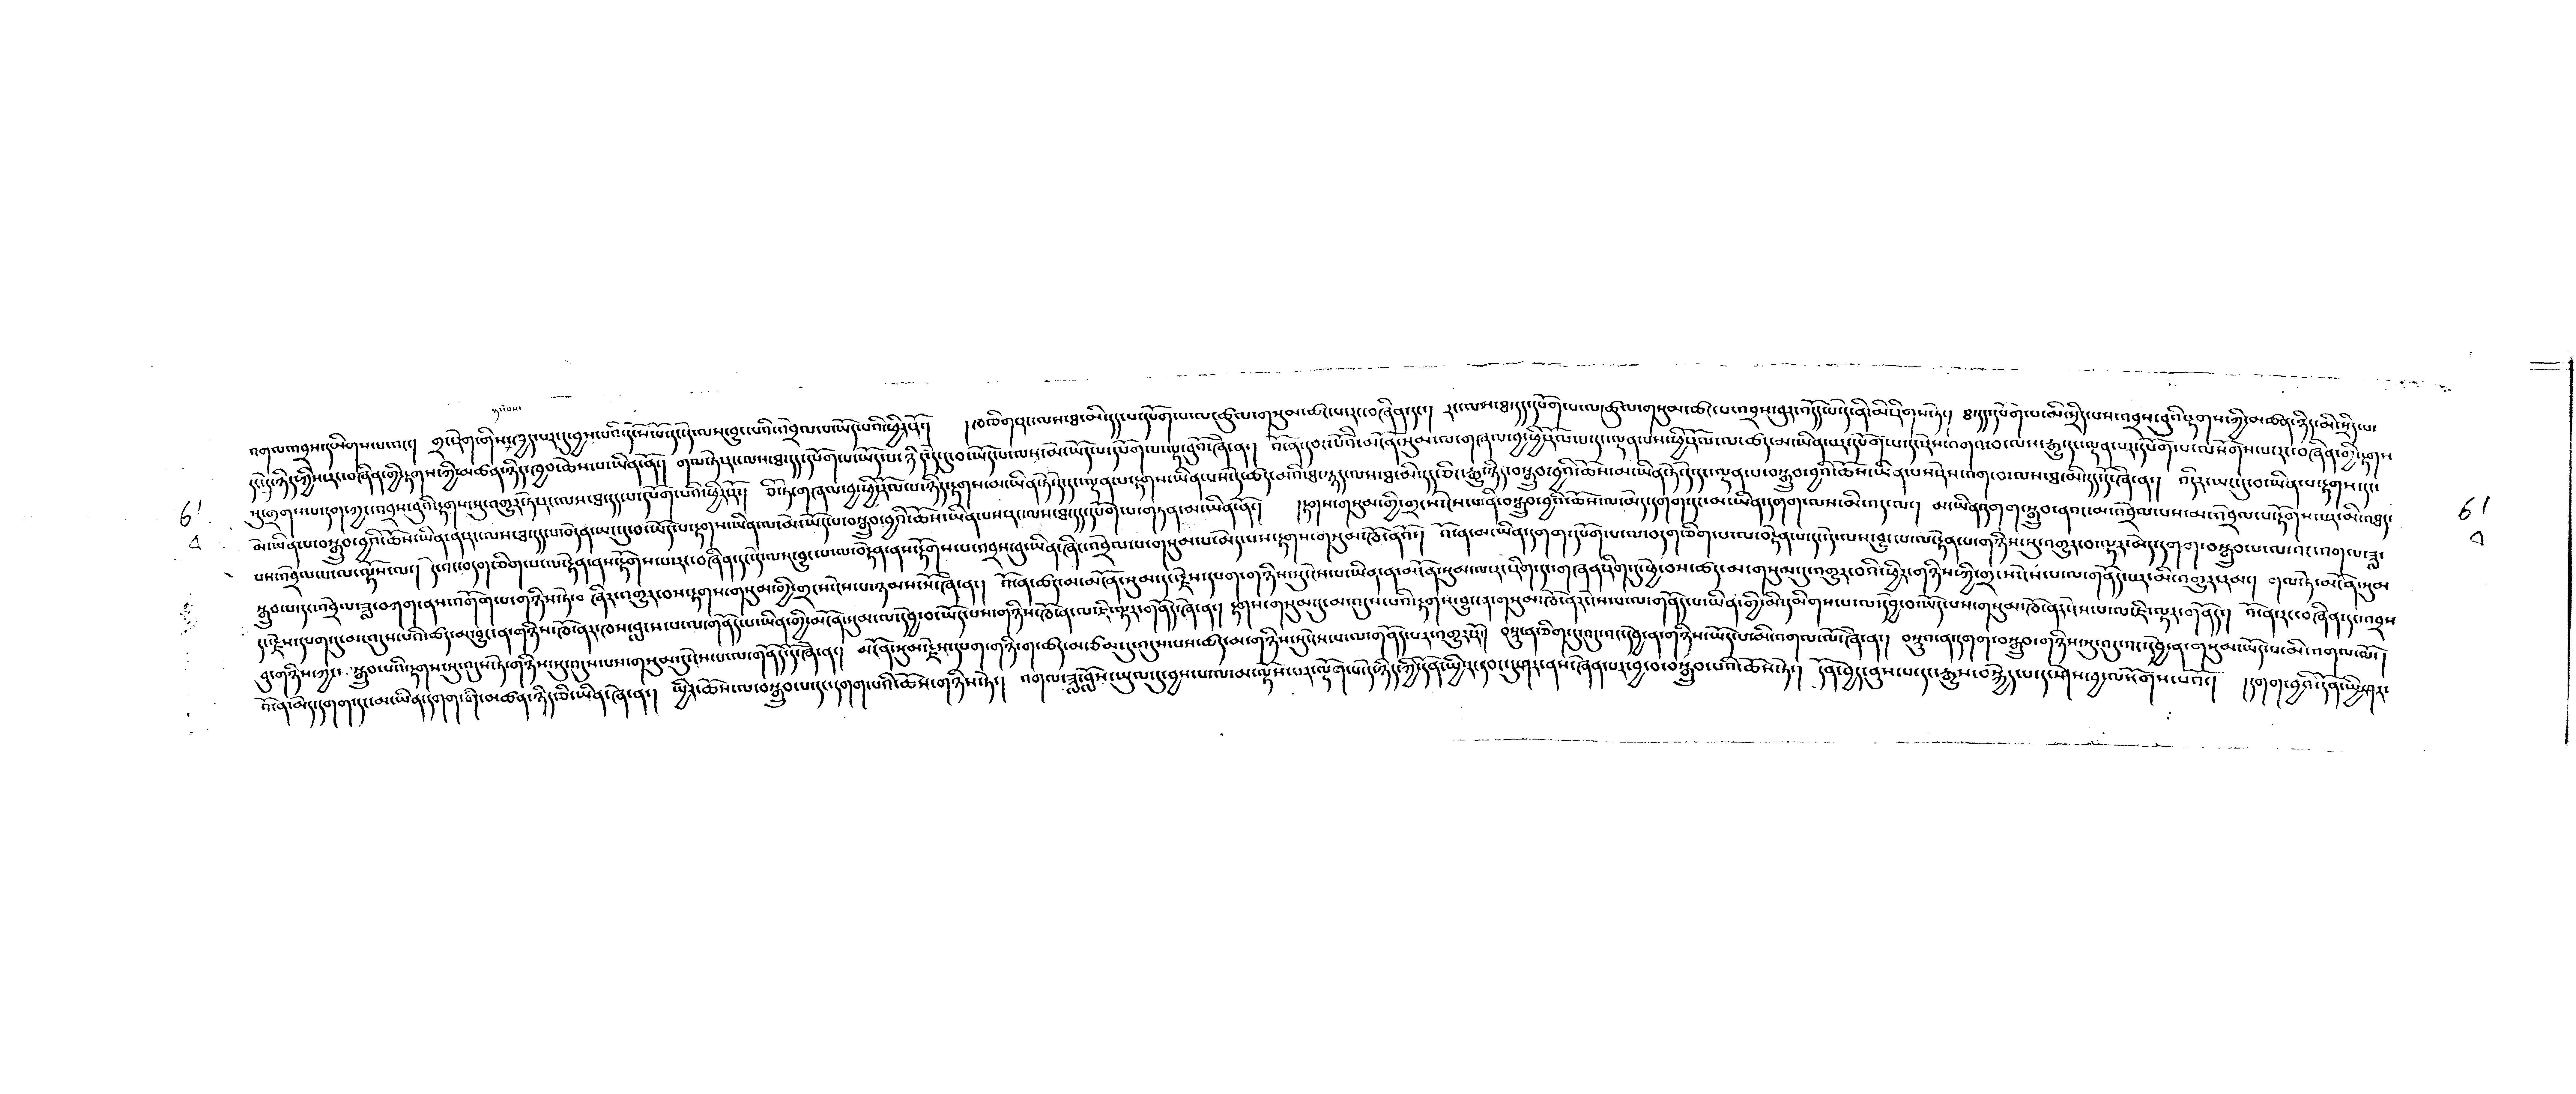འགལ་འབྲས་དམིགས་པ་འང་། གྲང་རེག་གིས་?ཁྱད་པར་དུ་བྱས་པའི་དངོས་པོ་དང་དེ་ལས་བྱུང་པའི་འབྲེལ་པ་ཡོད་པའི་ཕྱིར་རོ། །ཁ་ཅིག་རང་ལས་ཐ་མི་དད་པ་དཔོག་པ་ལ་ཚུལ་གསུམ་ཚང་པ་རང་བཞིན་དང་། རང་ལས་ཐ་དད་དཔོག་པ་ལ་ཚུལ་གསུམ་ཚང་པ་འབྲས་བུར་འདོད་པ་དེ་ནི་མི་རིགས་ཏེ། ཐ་དད་དཔོག་པ་མི་སྲིད་པས་འབྲས་བུའི་རྟགས་ཀྱི་མཚན་ཉིད་མི་སྲིད་པ་
དང་དེ་ཉིད་ཀྱིས་རང་བཞིན་གྱི་རྟགས་ཀྱི་མཚན་ཉིད་ཁྱབ་ཆེས་པ་ཡིན་ནོ། གལ་ཏེ་རང་ལས་ཐ་དད་དཔོག་པ་ཡོད་པ་ཉིད་དེ་དུ་བ་ཡོད་པ་ལས་མེ་ཡོད་པ་དཔོག་པ་ལྟ་བུའོ་ཞེ་ན། འོ་ན་དབང་པོའི་མངོན་སུམ་ལ་གཞལ་བྱ་ཕྱི་རོལ་པ་དང་ལྡན་པས་ཕྱི་རོལ་ལ་ཚད་མ་ཡིན་པར་དཔོག་པ་དང་རེས་འགའ་བ་ལས་རྒྱུ་དང་ལྡན་པར་དཔོག་པ་ལ་སོགས་པ་རང་བཞིན་གྱི་རྟགས་
སུ་གྲགས་པ་དག་ཀྱང་འབྲས་བུའི་རྟགས་སུ་འགྱུར་ཏེ་རང་ལས་ཐ་དད་པ་དཔོག་པའི་ཕྱིར་རོ། ཅི་ཏེ་གཞལ་བྱ་ཕྱི་རོལ་པ་ཉིད་རྟགས་མ་ཡིན་ཏེ་དེ་དང་ལྡན་པ་རྟགས་ཡིན་པས་དེ་ཚད་མའི་ཐ་སྙད་ལས་ཐ་མི་དད་ཅིང་རྒྱུ་ཉིད་བསྒྲུབ་བྱའི་ཆོས་མ་ཡིན་ཏེ་དེ་དང་ལྡན་པ་བསྒྲུབ་བྱའི་ཆོས་ཡིན་པས་རེས་འག་བ་ལས་ཐ་མི་དད་དོ་ཞེ་ན། འདིར་ཡང་དུ་བ་ཡིན་པ་རྟགས་དང་
མེ་ཡིན་པ་བསྒྲུབ་བྱའི་ཆོས་ཡིན་ན་རང་ལས་ཐ་དད་པ་བདེན་ཡང་དུ་བ་ཡོད་པ་རྟགས་ཡིན་ལ་མེ་ཡོད་པ་བསྒྲུབ་བྱའི་ཆོས་ཡིན་པས་རང་ལས་ཐ་དད་དཔོག་པ་གཏན་མ་ཡིན་ནོ། །རྟགས་གསུམ་གྱི་གྲངས་ངེས་པ་ནི་བསྒྲུབ་བྱའི་ཆོས་ལ་མེད་དགག་དང་མ་ཡིན་དགག་ལས་མི་འད་ལ། མ་ཡིན་དགག་སྒྲུབ་ནའང་མ་འབྲེལ་པས་མ་འབྲེལ་པ་རྟོགས་པར་མི་འཐད་
པས་འབྲེལ་པ་ལ་ལྟོས་ལ། དེ་འང་བདག་ཅིག་པ་ལ་རྟེན་ནས་རྟོགས་པ་རང་བཞིན་དང་དེ་ལས་བྱུང་པ་ལ་བརྟེན་ནས་རྟོགས་པ་འབྲས་བུ་ཡིན་ཞིང་འབྲེལ་པ་གསུམ་པ་མེད་པས་རྟགས་གསུམ་ཁོ་ནའོ། འོ་ན་མ་ཡིན་དགག་དཔོག་པ་ལ་བདག་ཅིག་པ་ལ་བརྟེན་པ་དང་དེ་ལས་བྱུང་པ་ལ་རྟེན་པ་གཉིས་སུ་འགྱུར་བ་ལྟར་མེད་དགག་བསྒྲུབ་པ་ལ་འང་འགལ་ཟླ་
སྒྲུབ་པ་དང་འབྲེལ་ཟླ་བཀག་ནས་འགོག་པ་གཉིས་ཏེ་བཞིར་འགྱུར་བས་རྟགས་གསུམ་གྱི་གྲངས་ངེས་པ་ཉམས་སོ་ཞེ་ན། འོ་ན་ཚད་མ་མངོན་སུམ་དང་རྗེས་དཔག་གཉིས་སུ་ངེས་པ་ཡིན་ན་མངོན་སུམ་ལ་རང་རིག་དང་གཞན་རིག་དུ་ཕྱེ་བས་ཚད་མ་གསུམ་དུ་འགྱུར་བའི་ཕྱིར་གཉིས་ཀྱི་གྲངས་ངེས་པ་ལ་གནོད་པར་མི་འགྱུར་རམ། གལ་ཏེ་མངོན་སུམ་
དང་རྗེས་དཔག་དུ་མ་འདུས་པའི་ཚད་མ་བྱུང་ན་གཉིས་ཁོ་ནར་ཁས་བླངས་པ་ལ་གནོད་པ་ཡིན་གྱི་མངོན་སུམ་ལ་དབྱེ་བ་ཡོད་པས་གཉིས་ཁོ་ན་ལ་ཇི་ལྟར་གནོད་ཞེ་ན། རྟགས་གསུམ་དུ་མ་འདུས་པའི་རྟགས་བྱུང་ན་གསུམ་ཁོ་ནར་ངེས་པ་ལ་གནོད་པ་ཡིན་གྱི་མི་དམིགས་པ་ལ་དབྱེ་བ་ཡོད་པས་གསུམ་ཁོ་ནར་ངེས་པ་ལ་ཇི་ལྟར་གནོད། འོ་ན་རང་བཞིན་དང་འབྲས་
བུ་གཉིས་ཀྱང་སྒྲུབ་པའི་རྟགས་སུ་འདུས་ཏེ་གཉིས་སུ་འདུས་པས་གསུམ་དུ་ངེས་པ་ལ་གནོད་དོ་ཞེ་ན། མངོན་སུམ་རྗེས་དཔག་གཉི་ག་ཚད་མ་ཙམ་དུ་འདུས་པས་ཚད་མ་གཉིས་སུ་ངེས་པ་ལ་གནོད་པར་འགྱུར་རོ། བསྡུ་ན་ཅིག་དུ་འདུ་འང་དབྱེ་ན་གཉིས་ཡོད་པ་མི་འགལ་ལོ་ཞེ་ན། བསྡུས་ན་དགག་བསྒྲུབ་གཉིས་སུ་འདུ་འང་དབྱེ་ན་གསུམ་ཡོད་པ་མི་འགལ་ལོ།
འོ་ན་མེད་དགག་དང་མ་ཡིན་དགག་གི་མཚན་ཉིད་ཅི་ཡིན་ཞེ་ན། སྤྱིར་ཆོས་ལ་བསྒྲུབ་པ་དང་དགག་པའི་ཆོས་གཉིས་ཏེ། འགལ་ཟླ་བློས་ཡུལ་དུ་བྱས་པ་ལ་མ་ལྟོས་པར་ལྡོག་པ་དེ་ཉིད་ཀྱི་དོན་སྤྱི་རང་དབང་དུ་ཤར་ནས་ཞེན་པར་བྱ་བ་བསྒྲུབ་པའི་ཆོས་ཏེ། དོན་བྱེད་ནུས་པ་དང་རྒྱུས་བསྐྱེད་པ་དང་ཤེས་བྱ་ལ་སོགས་པའོ། །དགག་བྱའི་དོན་སྤྱི་ཤར་